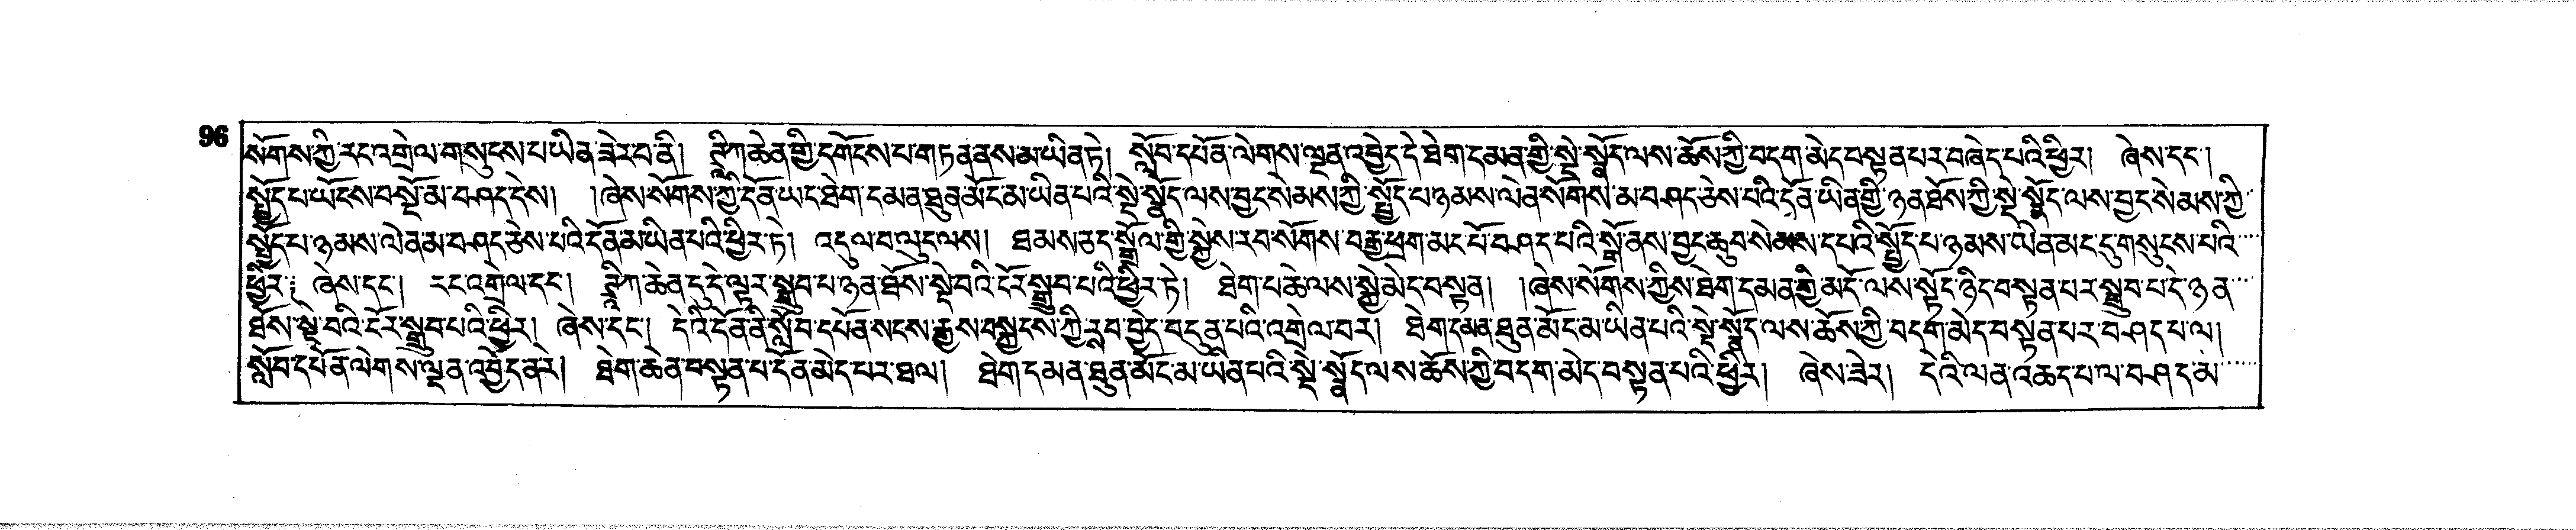སོགས་ཀྱི་རང་འགྲེལ་གསུངས་པ་ཡིན་ཟེར་བ་ནི། ཊཱིཀ་ཆེན་གྱི་དགོངས་པ་གཏན་ནས་མ་ཡིན་ཏེ། སློབ་དཔོན་ལེགས་ལྡན་འབྱེད་དེ་ཐེག་དམན་གྱི་སྡེ་སྣོད་ལས་ཆོས་ཀྱི་བདག་མེད་བསྟན་པར་བཞེད་པའི་ཕྱིར། ཞེས་དང་།
སྤྱོད་པ་ཡོངས་བསྔོ་མ་བཤད་དེས། །ཞེས་སོགས་ཀྱི་དོན་ཡང་ཐེག་དམན་ཐུན་མོང་མ་ཡིན་པའི་སྡེ་སྣོད་ལས་བྱང་སེམས་ཀྱི་སྤྱོད་པ་ཉམས་ལེན་སོགས་མ་བཤད་ཅེས་པའི་དོན་ཡིན་གྱི་ཉན་ཐོས་ཀྱི་སྡེ་སྣོད་ལས་བྱང་སེམས་ཀྱི་
སྤྱོད་པ་ཉམས་ལེན་མ་བཤད་ཅེས་པའི་དོན་མ་ཡིན་པའི་ཕྱིར་ཏེ། འདུལ་བ་ལུང་ལས། ཐམས་ཅད་སྒྲོལ་གྱི་སྐྱེས་རབ་སོགས་བརྒྱ་ཕྲག་མང་པོ་བཤད་པའི་སྒོ་ནས་བྱང་ཆུབ་སེམས་དཔའི་སྤྱོད་པ་ཉམས་ལེན་མང་དུ་གསུངས་པའི་
ཕྱིར། ཞེས་དང་། རང་འགྲེལ་དང་། ཊྲཱིཀ་ཆེན་དུ་དེ་ལྟར་སྒྲུབ་པ་ཉན་ཐོས་སྡེ་བའི་ངོར་སྒྲུབ་པའི་ཕྱིར་ཏེ། ཐེག་པ་ཆེ་ལས་སྐྱེ་མེད་བསྟན། །ཞེས་སོགས་ཀྱིས་ཐེག་དམན་གྱི་མདོ་ལས་སྟོང་ཉིད་བསྟན་པར་སྒྲུབ་པ་དེ་ཉན་
ཐོས་སྡེ་བའི་ངོར་སྒྲུབ་པའི་ཕྱིར། ཞེས་དང་། དེའི་དོན་ནི་སློབ་དཔོན་སངས་རྒྱས་བསྐྱངས་ཀྱི་རབས་བྱེད་བདུན་པའི་འགྲེལ་བར། ཐེག་དམན་ཐུན་མོང་མ་ཡིན་པའི་སྡེ་སྣོད་ལས་ཆོས་ཀྱི་བདག་མེད་བསྟན་པར་བཤད་པ་ལ།
སློབ་དཔོན་ལེགས་ལྡན་འབྱེད་ན་རེ། ཐེག་ཆེན་བསྟན་པ་དོན་མེད་པར་ཐལ། ཐེག་དམན་ཐུན་མོང་མ་ཡིན་པའི་སྡེ་སྣོད་ལས་ཆོས་ཀྱི་བདག་མེད་བསྟན་པའི་ཕྱིར། ཞེས་ཟེར། དེའི་ལན་འཆད་པ་ལ་བཤད་མ་